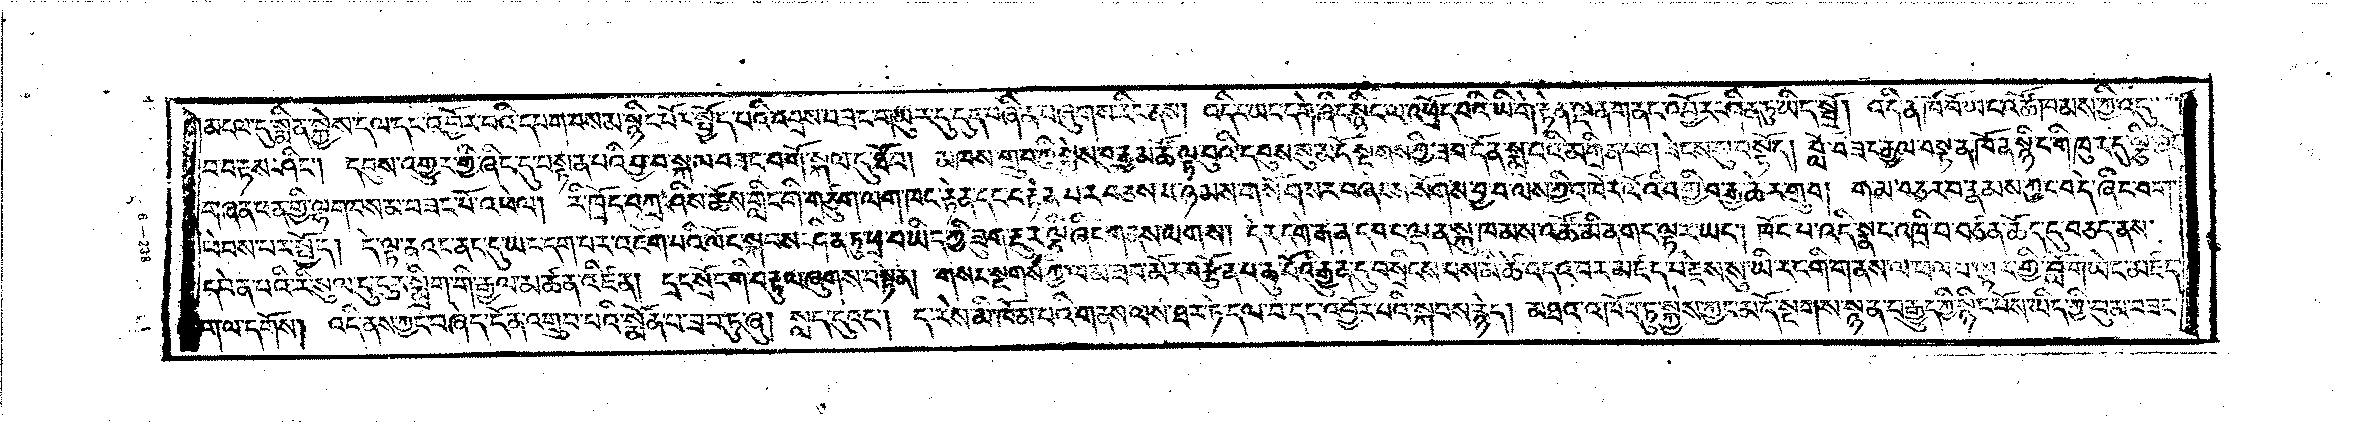མངལ་དུ་སྨིན་སྐྱེས་དལ་དབང་འབྱོར་བའི་དཔག་བསམ་སྙིང་པོར་སྤྱོད་བའི་འབྲས་བཟང་གཡུར་དུ་དུད་བཞིན་བཞུགས་རིང་ནས། འདིར་ཡབ་དགེ་ཞིང་སྙིང་ལ་འཕྲོད་པའི་ཡིག་རྟེན་ལྡན་འབྱོར་ཤིན་ཏུ་ཡིད་སྤྲོ། འདི་ན་ཁོ་བོ་ཡང་འཚོ་ཁམས་ཀྱི་འདུ་
བ་བརྟས་ཤིང་། དབུས་འགྱུར་གྱི་ཞིང་དུ་བསྟན་བའི་བྱ་བ་སྐལ་བཟང་བགོ་སྐལ་དུ་ཐོབ། མཁས་གྲུབ་ཀྱི་སྐྱེས་བུ་རྒྱ་མཚོ་ལྟ་བུའི་དབུས་སུ་མདོ་སྔགས་ཀྱི་ཟབ་དོན་སྨྲ་བའི་མགྲིན་པ་གཟེངས་སུ་བསྟོད། བློ་བཟང་རྒྱལ་བསྟན་ཁོ་ན་སྙིང་གི་ཁུར་དུ་ལྕི་ཞིང་
གཞན་ཕན་གྱི་ལྷག་བསམ་བཟང་པོ་འཕེལ། རི་ཁྲོད་བཀྲ་ཤིས་ཆོས་གླིང་གི་གཙུག་ལག་ཁང་རྟེན་དང་བརྟེན་པར་བཅས་པ་ཉམས་གསོག་སར་བཞེངས་སོགས་བྱ་བ་ལས་ཀྱི་འཁོར་ལོའི་བགྱི་བརྒྱ་ཆེར་གྲུབ། གམ་བཅར་བ་རྣམས་ཀྱང་བདེ་ཞིང་བག་
ཕེབས་པར་སྤྱོད། དེ་ལྟ་ནའང་ནང་དུ་ཡང་དག་པར་འཇོག་པའི་ལོང་སྐབས་ཤིན་ཏུ་ཕྲ་བ་ཡིད་ཀྱི་ཟུག་རྡུར་ལྕི་ཞིང་གནས་ལགས། དེར་དགེ་རྒན་དབང་ལྡན་སྐུ་ཁམས་འཚོ་མིན་གང་ལྟར་ཡང་། ཁོང་པ་འདི་སྣང་འཁྲི་བ་བཙན་ཆོད་དུ་བཅད་ནས་
དབེན་པའི་རི་སུ་ལ་དུ་ངུར་སྨྲིག་གི་རྒྱལ་མཚན་འཛིན། དྲང་སྲོང་གི་བརྟུལ་ཞུགས་བསྟེན། གསང་སྔགས་ཀྱི་ལམ་ཟབ་མོར་བརྩོན་པ་ཆུ་བོའི་རྒྱུན་དུ་བསྲིངས་བས་མི་ཚེ་འདའ་བར་མཛད་པ་རྗེས་སུ་ཡི་རང་གི་གནས་ལ་ཕལ་བ་ལྟར་གྱི་བློ་གཡེང་མཛད་
གལ་དགོས། འདི་ནས་ཀྱང་བཞེད་དོན་འགྲུབ་པའི་སྨོན་པ་ཟབ་ཏུ་ཞུ། སླད་དུའང་། དེ་རེས་མི་ཁོམ་པའི་གནས་ལས་ཐར་ཏེ་དལ་བ་དང་འབྱོར་པའི་སྐབས་རྙེད། མཐའ་འཁོབ་ཏུ་སྐྱེས་ཀྱང་མདོ་སྔགས་སྙན་བརྒྱུད་ཀྱི་སྙིང་བོས་ཡིད་ཀྱི་བུམ་བཟང་